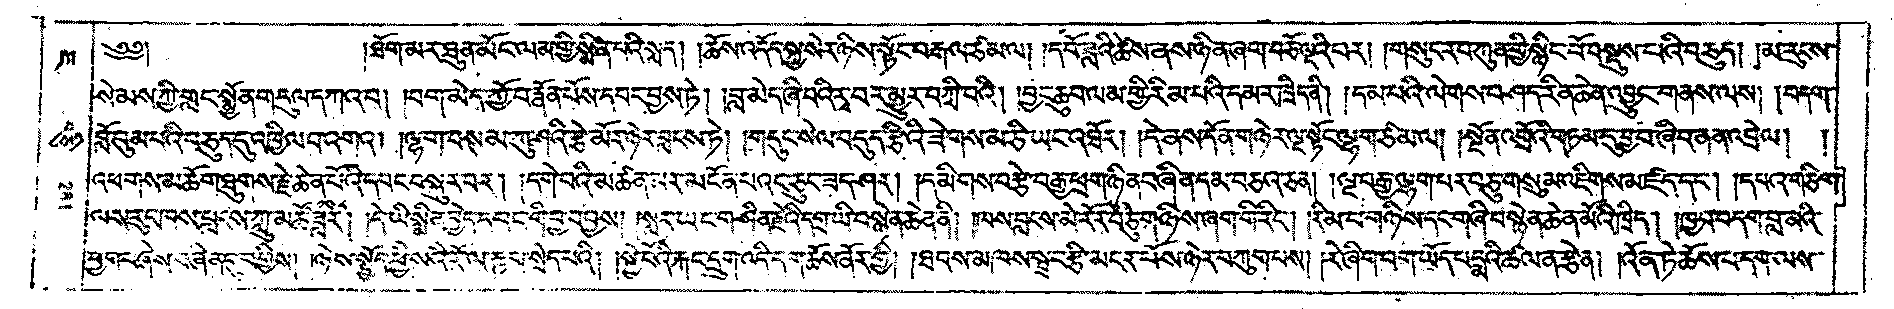༄༅། །ཐོག་མར་ཐུན་མོང་ལམ་གྱི་སྨིན་པའི་སླད། །ཆོས་འདོད་སྐྱ་སེར་ཉིས་སྟོང་བརྒལ་ཙམ་ལ། །དབོ་ཟླའི་ཚེས་ནས་ཉིན་ཞག་བཅོ་ལྔའི་བར། །གསུང་རབ་ཀུན་གྱི་སྙིང་པོ་བསྡུས་པའི་བཅུད། །མ་རུངས་
སེམས་ཀྱི་གླང་སྨྱོན་གདུལ་དཀའ་བ། །བག་མེད་ཀྱོ་བ་རྣོན་པོས་དབང་བྱས་ཏེ། །བླ་མེད་ཞི་བའི་རྭ་བར་མྱུར་བཀྲི་བའི། །བྱང་ཆུབ་ལམ་གྱི་རིམ་པའི་དམར་ཁྲིད་ནི། །དམ་པའི་ལེགས་བཤད་རིན་ཆེན་འབྱུང་གནས་ལས། །བདག་
བློ་བུམ་པའི་བཅུད་དུ་འཁྱིལ་བ་འགའ། །ལྷག་བསམ་ཀུན་ཤའི་རྩེ་མོར་ཉེར་བླངས་ཏེ། །གདུང་སེལ་བདུད་རྩིའི་ཟེགས་མ་ཅི་ཡང་འཐོར། །དེ་ནས་དོན་གཉེར་ལྔ་སྟོང་ལྷག་ཙམ་ལ། །སྔོན་འགྲོའི་གཏམ་དུ་བྱ་བ་ཞིབ་ནན་འབྲེལ། །
འཕགས་མཆོག་ཐུགས་རྗེ་ཆེན་པོའི་དབང་བསྐུར་བར། །དགེ་བའི་མཚན་མར་མངོན་པའང་ཅུང་ཟད་ཤར། །དམིགས་བརྩེ་བརྒྱ་ཕྲག་ཉིན་བཞིན་དམ་བཅའ་ཅན། །ལྔ་བརྒྱ་ལྷག་པར་བཅུ་གསུམ་འཇིགས་མཛད་དང་། །དཔའ་གཅིག་
ལས་རུང་ཁས་བླངས་ཀླུ་མཚོ ༡༤༨་ཟླར། །དེ་ཡི་སྨིན་བྱེད་དབང་གི་བྱ་བ་བྱས། །སླར་ཡང་གཤིན་རྗེའི་དགྲ་ཡི་བསྙེན་ཆེན་ནི། །ཁས་བླངས་མེ་རོར ༦༣་བཅུ་གཉིས་ཞག་གི་རིང་། །རིམ་པ་གཉིས་དང་གཞི་བསྙེན་ཆེན་མོའི་ཁྲིད། །ཁྱབ་བདག་བླ་མའི་
ཕྱག་བཞེས་བཞིན་དུ་བགྱིས། །ཉེས་སྤྱོད་ཕྱི་སའི་རོ་ལ་རྟག་སྲེད་པའི། །སྐྱེ་བོའི་རྐང་དྲུག་འདི་དག་ཆོས་ནོར་གྱི། །ཐབས་མཁས་སྦྲང་རྩི་མངར་པོས་ཉེར་བཀུག་པས། །རེ་ཞིག་བག་ཡོད་པདམའི་ཚལ་ན་རྩེན། །འོན་ཏེ་ཆོས་པ་དག་ལས་